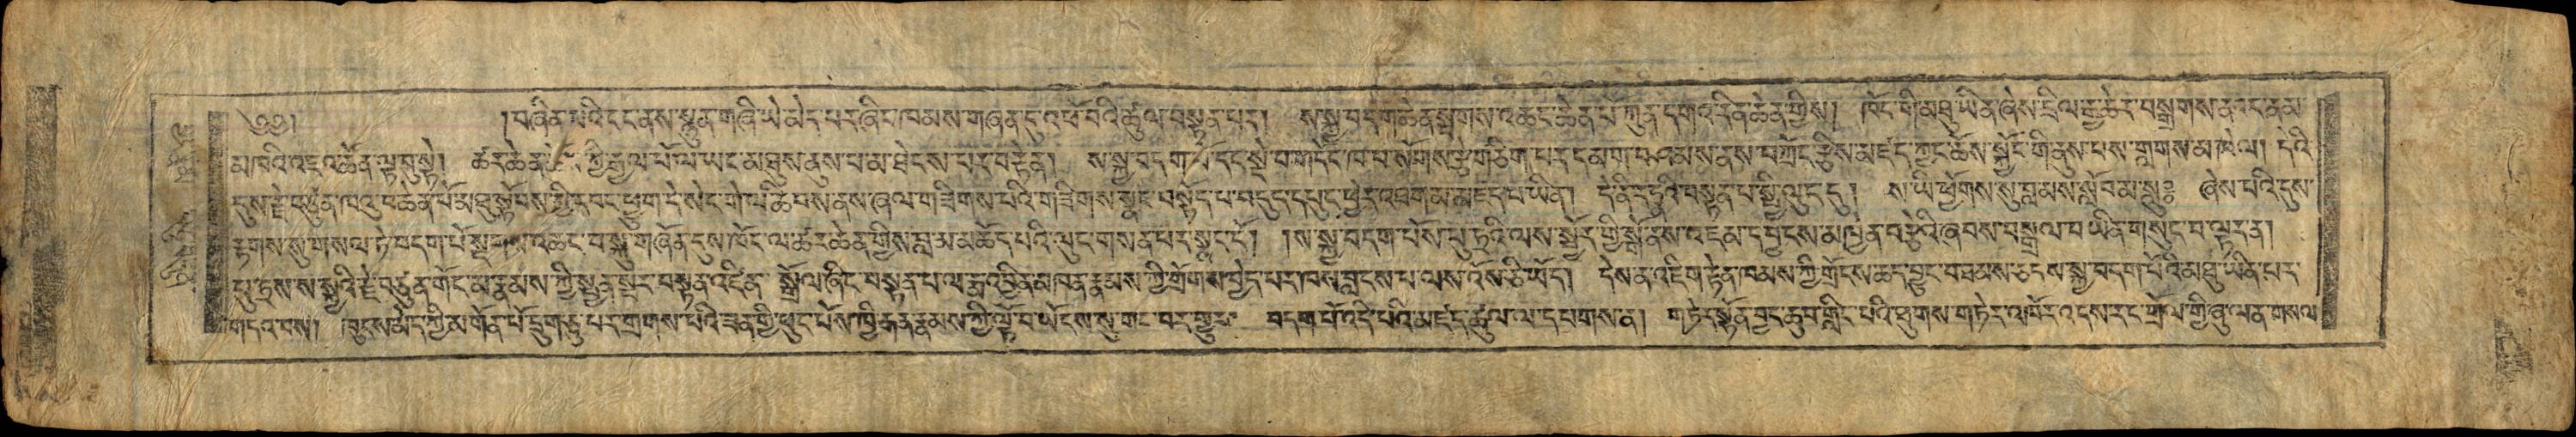༄༅། །བཞིན་པའི་ངང་ནས་སྙུན་གཞི་ཡེ་མེད་པར་ཞིང་ཁམས་གཞན་དུ་འཕོ་བའི་ཚུལ་བསྟན་པར། ས་སྐྱ་བ་དག་ཆེན་སྔགས་འཆང་ཆེན་པོ་ཀུན་དགའ་རིན་ཆེན་གྱིས། ཁོང་གི་མཐུ་ཡིན་ཞེས་དྲིལ་རྒྱ་ཆེར་བསྒྲགས་ནའང་ནམ་
མཁའི་འཇའ་ཚོན་ལྟ་བུ་སྟེ། ཚར་ཆེན་ཆོས་ཀྱི་རྒྱལ་པོ་ལ་ཡང་མཐུས་ནུས་པ་མ་ཐེངས་པར་བརྟེན། ས་སྐྱ་བདག་པོ་དང་སྡེ་བ་གདོང་ཁ་བ་སོགས་རྩེ་གཅིག་པར་དམག་བཤམས་ནས་བཀྲོང་རྩིས་མཛད་ཀྱང་ཆོས་སྐྱོང་གི་ནུས་པས་གླགས་མཁེལ། དེའི་
དུས་རྗེ་བཙུན་ཁའུ་བ་ཆེན་པོ་མཐུ་སྟོབས་ཀྱི་དབང་ཕྱུག་དེ་སེང་གེ་ལ་ཆིབས་ནས་ཞལ་གཟིགས་པའི་གཟིགས་སྣང་བསྟོད་པ་བདུད་དཔུང་ཕྱེར་འཐག་མ་མཛད་པ་ཡིན། དེ་ནི་རཏྣའི་བསྟན་པ་སྤྱི་ལུང་དུ། ས་ཡི་ཕྱོགས་སུ་བླ་མས་སློབ་མ་སླུཿ་ཞེས་པའི་དུས་
རྟགས་སུ་གསལ་ཏེ་བདག་པོ་སྔགས་འཆང་བ་སྐུ་གཞོན་དུས་ཁོང་ལ་ཚར་ཆེན་གྱིས་བླ་མ་མཆོད་པའི་ལུང་གསན་པར་སྣང་ངོ། །ས་སྐྱ་བདག་པས་པུ་ཏྲའི་ལས་སྦྱོར་གྱི་སྒོ་ནས་འཇམ་དབྱངས་མཁྱེན་བརྩེའི་ཞབས་བསྒྲལ་བ་ཡིན་གསུང་བ་ལྟར་ན།
པུ་ཏྲས་ས་སྐྱའི་རྗེ་བཙུན་གོང་མ་རྣམས་ཀྱི་སྤྱན་སྔར་བསྟན་འཛིན་སྒྲོལ་ཞིང་བསྟན་པ་ལ་རྨ་འབྱིན་མཁན་རྣམས་ཀྱི་གྲོགས་བྱེད་པར་ཁས་བླངས་པ་ལས་འོས་ཅི་ཡོད། དེས་ན་འཇིག་རྟེན་ཁམས་ཀྱི་གྲོངས་ཆད་བྱུང་བ་ཐམས་ཅད་ས་སྐྱ་བདག་པོའི་མཐུ་ཡིན་པར་
གདའ་བས། །བུངས་མེད་ཀྱི་མགོན་པོ་དྲུག་ཅུ་པར་གྲགས་པའི་ཟན་གྱི་ཕུང་བོས་ཁྱི་རྒན་རྣམས་ཀྱི་ལྟོ་བ་ཡོངས་སུ་གང་བར་གྱུར། བདག་པོ་འདི་པའི་མཛད་ཚུལ་ལ་དྥགས་ན། གཏེར་སྟོན་བྱང་ཆུབ་གླིང་པའི་ཐུགས་གཏེར་འཁོར་འདས་རང་གྲོལ་གྱི་ཞུ་ལན་གསལ་